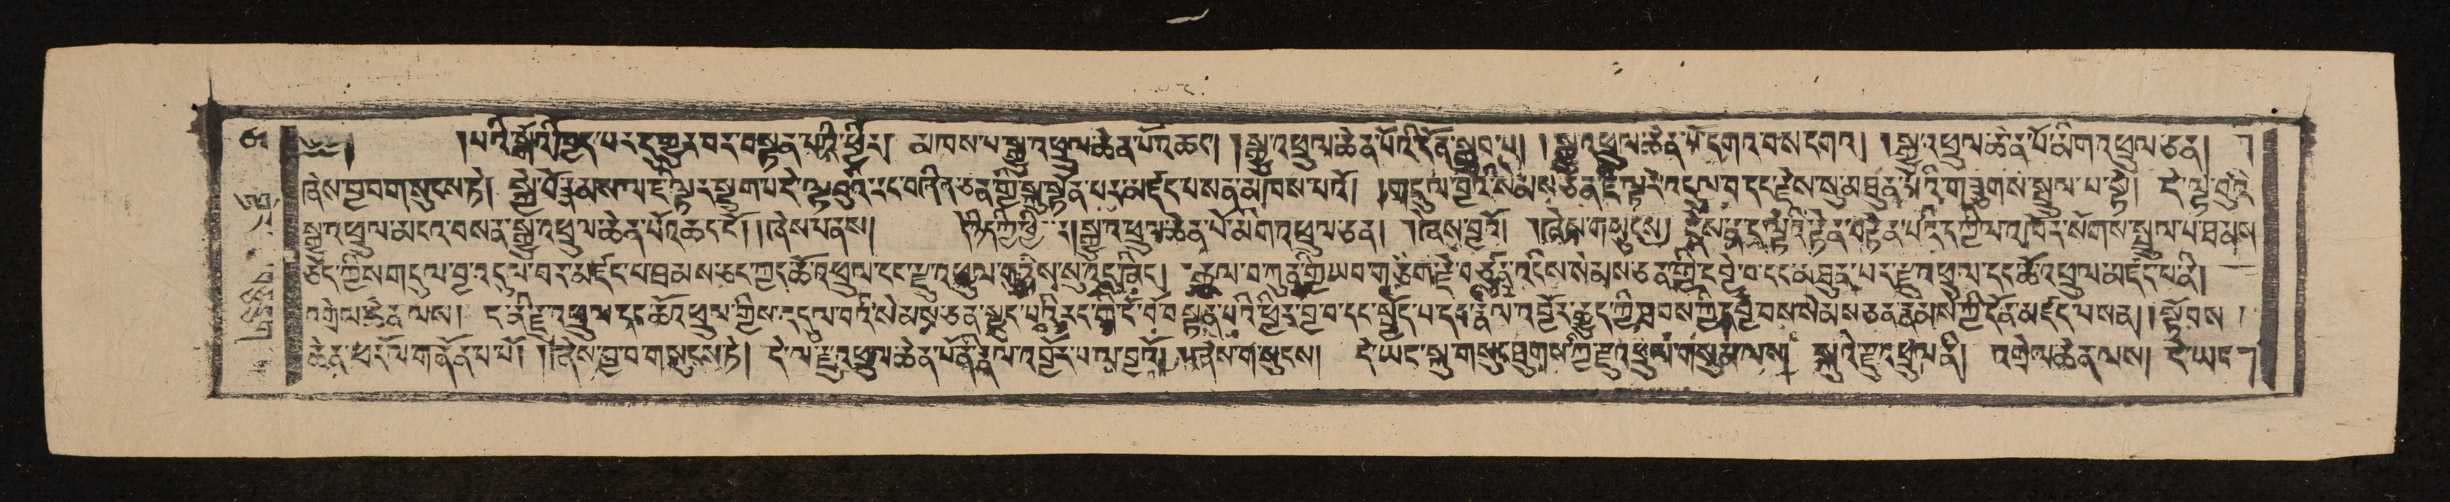༄༅། །པའི་སྒོའི་ཁྱད་པར་དུ་གྱུར་པར་བསྟན་པའི་ཕྱིར། མཁས་པ་སྒྱུ་འཕྲུལ་ཆེན་པོ་འཆད། །སྒྱུ་འཕྲུལ་ཆེན་པོའི་དོན་སྒྲུབ་པ། །སྒྱུ་འཕྲུལ་ཆེན་པོ་དགའ་བས་དགའ། །སྒྱུ་འཕྲུལ་ཆེན་པོ་མིག་འབྲུལ་ཅན། །
ཞེས་བྱ་བ་གསུངས་ཏེ། སྐྱེ་བོ་རྣམས་ལ་ཇི་ལྟར་སྡུག་པ་དེ་ལྟ་བུའི་རང་བཞིན་ཅན་གྱི་སྐུ་སྟོན་པར་མཛད་པས་ན་མཁས་པའོ། །གདུལ་བྱའི་སེམས་ཅན་ཇི་ལྟར་འདུལ་བ་དང་རྗེས་སུ་མཐུན་པའི་གཟུགས་སྤྲུལ་པ་སྟེ། དེ་ལྟ་བུའི་
སྒྱུ་འཕྲུལ་མངའ་བས་ན་སྒྱུ་འཕྲུལ་ཆེན་པོ་འཆང་ངོ། །ཞེས་པ་ནས། དེ་ཉིད་ཀྱི་ཕྱིར། སྒྱུ་འཕྲུལ་ཆེན་པོ་མིག་འཕྲུལ་ཅན། །ཞེས་བྱའོ། །ཞེས་གསུངས། དེས་ན་ད་ལྟའི་རྟེན་བརྟེན་པའི་དཀྱིལ་འཁོར་སོགས་སྤྲུལ་པ་ཐམས་
ཅད་ཀྱིས་གདུལ་བྱ་འདུལ་པར་མཛད་པ་ཐམས་ཅད་ཀྱང་ཆོ་འཕྲུལ་དང་རྫུ་འཕྲུལ་གཉིས་སུ་འདུ་ཞིང་། རྒྱལ་བ་ཀུན་གྱི་ཡབ་གཅིག་རྗེ་བཙུན་འདིས་སེམས་ཅན་གྱི་དབྱེ་བ་དང་མཐུན་པར་རྫུ་འཕྲུལ་དང་ཆོ་འཕྲུལ་མཛད་པ་ནི།
འགྲེལ་ཆེན་ལས། ད་ནི་རྫུ་འཕྲུལ་དང་ཆོ་འཕྲུལ་གྱིས་འདུལ་བའི་སེམས་ཅན་སྡུད་པའི་རང་གི་ངོ་བོ་བསྟན་པའི་ཕྱིར་བྱ་བ་དང་སྤྱོད་པ་དང་རྣལ་འབྱོར་རྒྱུད་ཀྱི་ཐབས་ཀྱི་དབྱེ་བས་སེམས་ཅན་རྣམས་ཀྱི་དོན་མཛད་པས་ན། སྟོབས་
ཆེན་ཕ་རོལ་གནོན་བ་པོ། །ཞེས་བྱ་བ་གསུངས་ཏེ། དེ་ལ་རྫུ་འཕྲུལ་ཆེན་པོ་ནི་རྣལ་འབྱོར་པ་ལ་བྱའོ། །ཞེས་གསུངས། དེ་ཡང་སྐུ་གསུང་ཐུགས་ཀྱི་རྫུ་འཕྲུལ་གསུམ་ལས། སྐུའི་རྫུ་འཕྲུལ་ནི། འགྲེལ་ཆེན་ལས། དེ་ཡང་